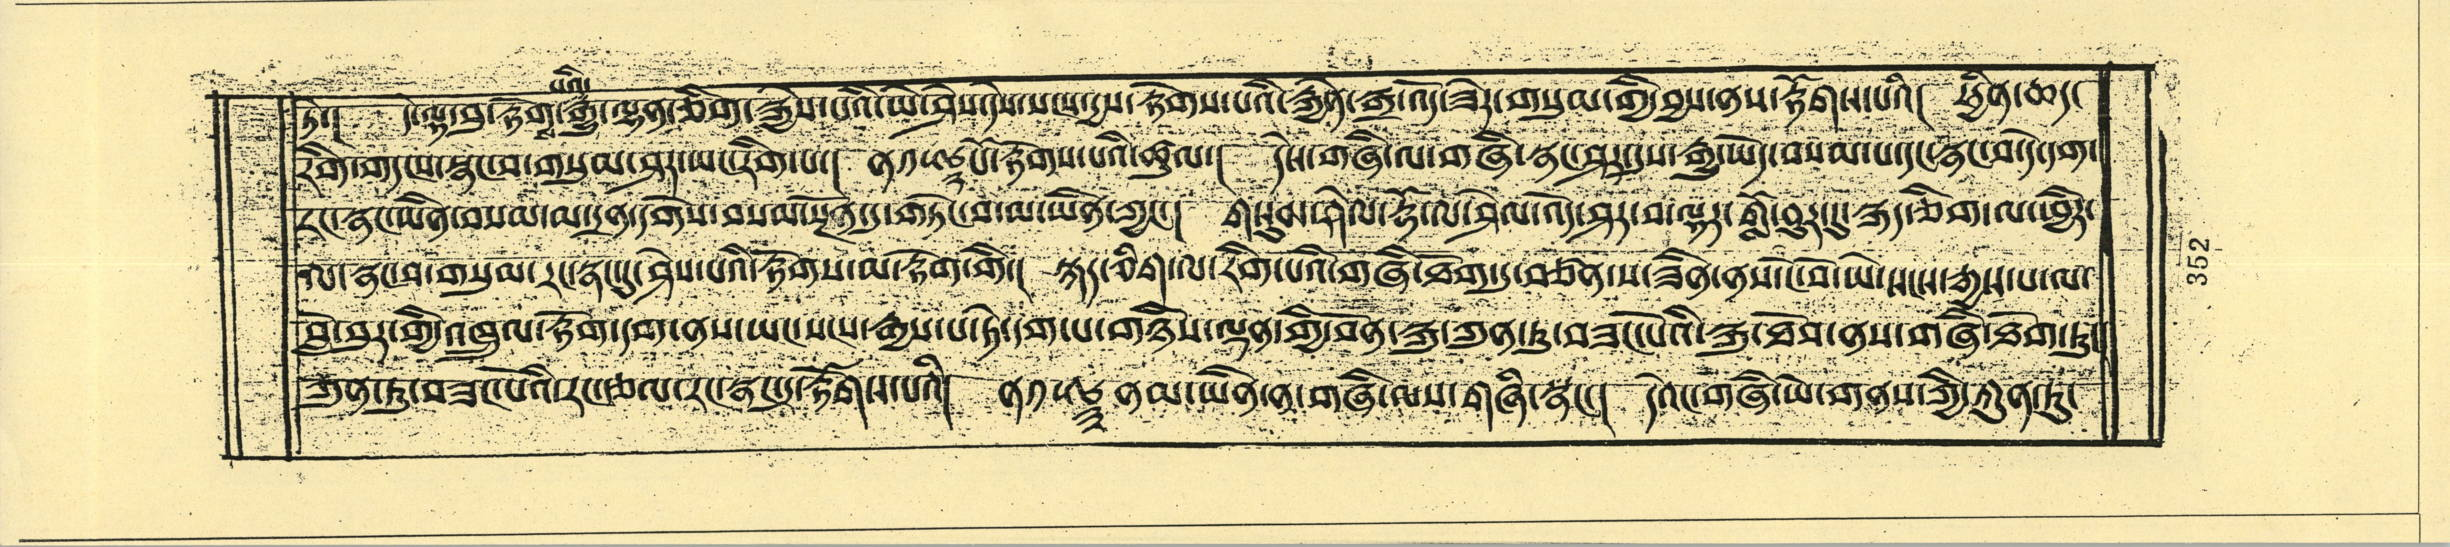ཏེ། དེ་ལྟ་བུ་རྟོགས་པའི་རྒྱུ་ལྷན་ཅིག་སྐྱེས་པའི་ཡེ་ཤེས་དེས་སངས་རྒྱས་རྟོགས་པའི་རྐྱེན་སྒྲ་འོད་ཟེར་གསུམ་གྱི་བྱས་ནས་ ༼རྟོགས་པའི།༽ ༼ཕྱིན་ཆད་༽
རིག་གདངས་སྣང་བ་གསུམ་ཤར་ཡང་རིག་པ། ན༡༥༦།༢ ༼པོ་༽རྟོགས་པའི་ཚུལ། ༼དེས་༽གཞི་ལ་གཞི་སྣང་ཤར་དུས་རྒྱུ་ཡོད་བསམ་པ་དང་སྣང་བ་དེ་དག་
རང་སྣང་ཡིན་བསམ་མ་དྲན་དགོས་བསམ་སྔོན་དུ་གཏོང་བ་མ་ཡིན་ཀྱང། ༼གསུམ་ཤེསལ་རྡོ་ལ་༽ཤེལ་འོད་ཤར་བ་ལྟར་ ༼གློ་བུར་དུ་༽སྐད་ཅིག་ལ་ཕྱིར་ 
༼ལ།༽སྣང་བ་གསུམ་ ༼རང་སྣང་དུ་༽ཤེས་པའི་རྟོགས་མ་རྟོག་གི། ༼སྐད་ཅིག་ལ་༽རིག་པའི་གཞི་ཐོག་ཏུ་བཙན་ས་ཟིན་ནས་ངོ་བོ་ ༼ཡེ་སངས་རྒྱས་༽པ་ལ་
བློ་བུར་གྱི་འཁྲུལ་རྟོག་དག་ནས་ཡང་སངས་རྒྱས་པ་ཏེ་དག་པ་གཉིས་ལྡན་གྱི་བོན་སྐུ་ཀུན་ཏུ་བཟང་པོའི་སྐུ་ཐོབ་ནས་གཞི་ཐོག་ཏུ་
ཀུན་ཏུ་བཟང་པོའི་རང་རྩལ་རང་སྣང་དུ་ ༼རྟོགས་པའི།༽ན༡༥༦།༣ ནམ་ཡིན་ན་གཞི་ལས་ ༼གཞི་སྣང།༽ ༼དེའང་༽གཞི་ཡེ་གནས་ཀྱི་ ༼ཀུན་ཏུ་༽